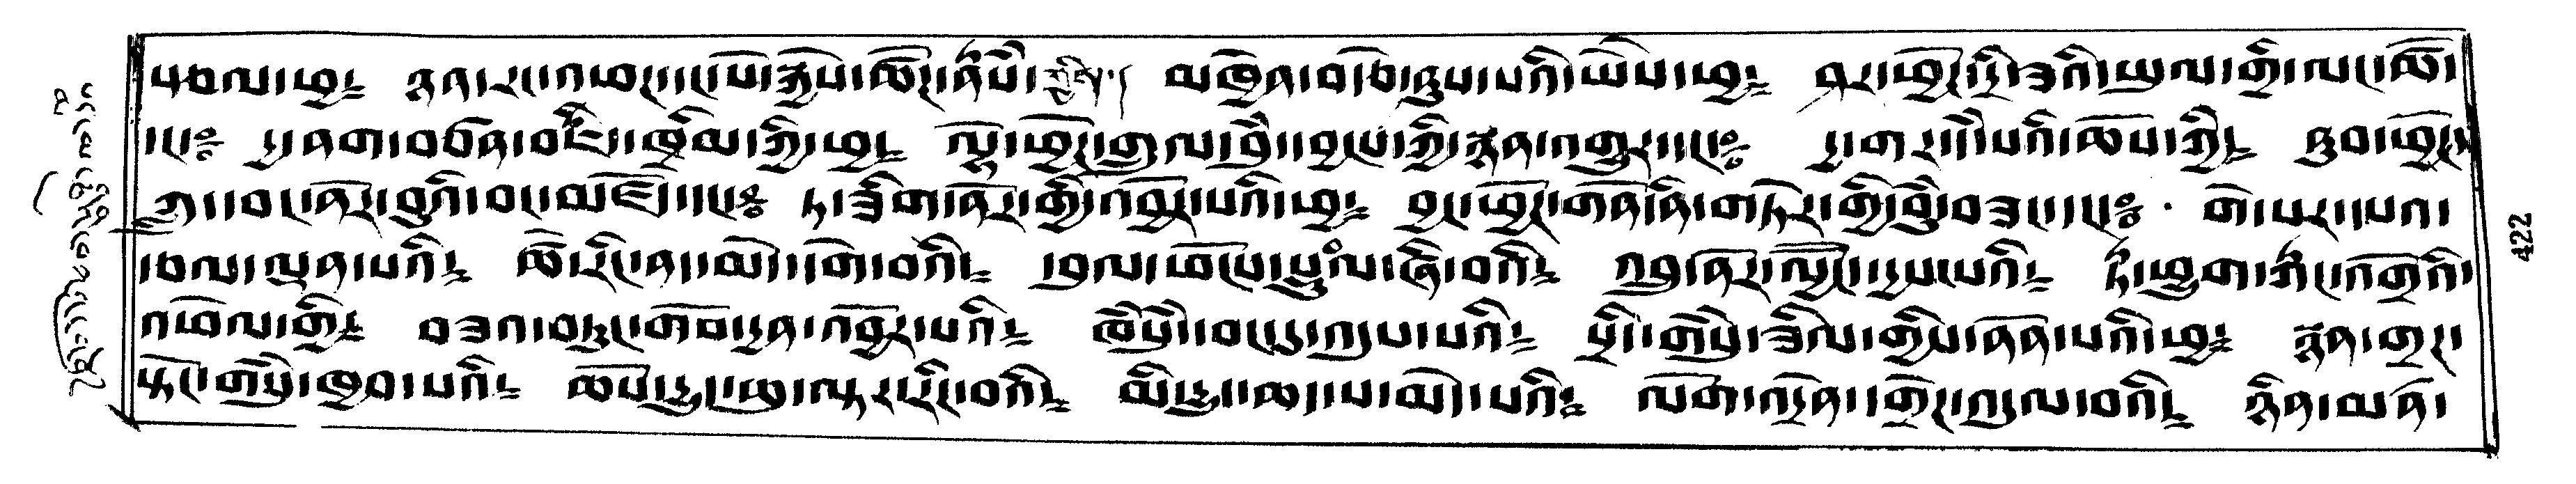རྩལ་ཕྱྭ༴ ཉན་རང་འཕགས་དང་པོ་སྐྱེའི་ཚོགས་རྣམས་ཀྱི༔ མཁྱེན་བརྩེ་ནུས་པའི་ཡེ་ཤེས་ཕྱྭ༴ ཤར་ཕྱོགས་དྲི་ཟའི་ཡུལ་གྱི་ལང་ཚོ་
དང༔ རྒྱ་ནག་བཙན་བརྗིད་ཁྲིམས་ཀྱི་ཕྱྭ༴ ལྷོ་ཕྱོགས་གྲུལ་བུམ་དབྱངས་ཀྱི་སྙན་འགྱུར་དང༔ རྒྱ་གར་དམ་པའི་ཆོས་ཀྱི༴ ནུབ་ཕྱོགས་
ཀླུ་དབང་ནོར་བུའི་དབང་མཛོད་དང༔ ཏ་ཟིག་ནོར་གྱི་འབྱོར་པའི་ཕྱྭ༴ བྱང་ཕྱོགས་གནོད་སྦྱིན་གཏེར་གྱི་ནབུམ་བཟང་དང༔ གེ་སར་དཔའ་
རྩལ་ལྡན་པའི༴ ཚེ་རིང་ནད་མེད་དགེ་བའི༴ དབུལ་ཕོངས་སྡུག་བསྔལ་ཞི་བའི༴ འབྲུ་ནོར་ལོངས་སྤྱོད་རྒྱས་པའི༴ རྟ་ཕྱུགས་རྐང་འགྲོའི་
འཕེལ་གྱི༴ བཟའ་བཏུང་གོས་རྒྱན་འབྱོར་པའི༴ཁམས་གསུམ་དབང་དུ་འདུས་པའི༴ སྲིད་གསུམ་ཟིལ་གྱིས་ནོན་པའི་ཕྱྭ༴ སྙན་གྲགས་
སྟོང་གསུམ་ཁྱབ་པའི༴ ཆོས་རྒྱུད་ཆུ་ལྟར་རིང་བའི༴ མི་རྒྱུད་ཆད་པ་མེད་པའི༴ ལོག་འདྲེན་དགྲ་བགེགས་འདུལ་བའི༴ ཉིན་མཚན་